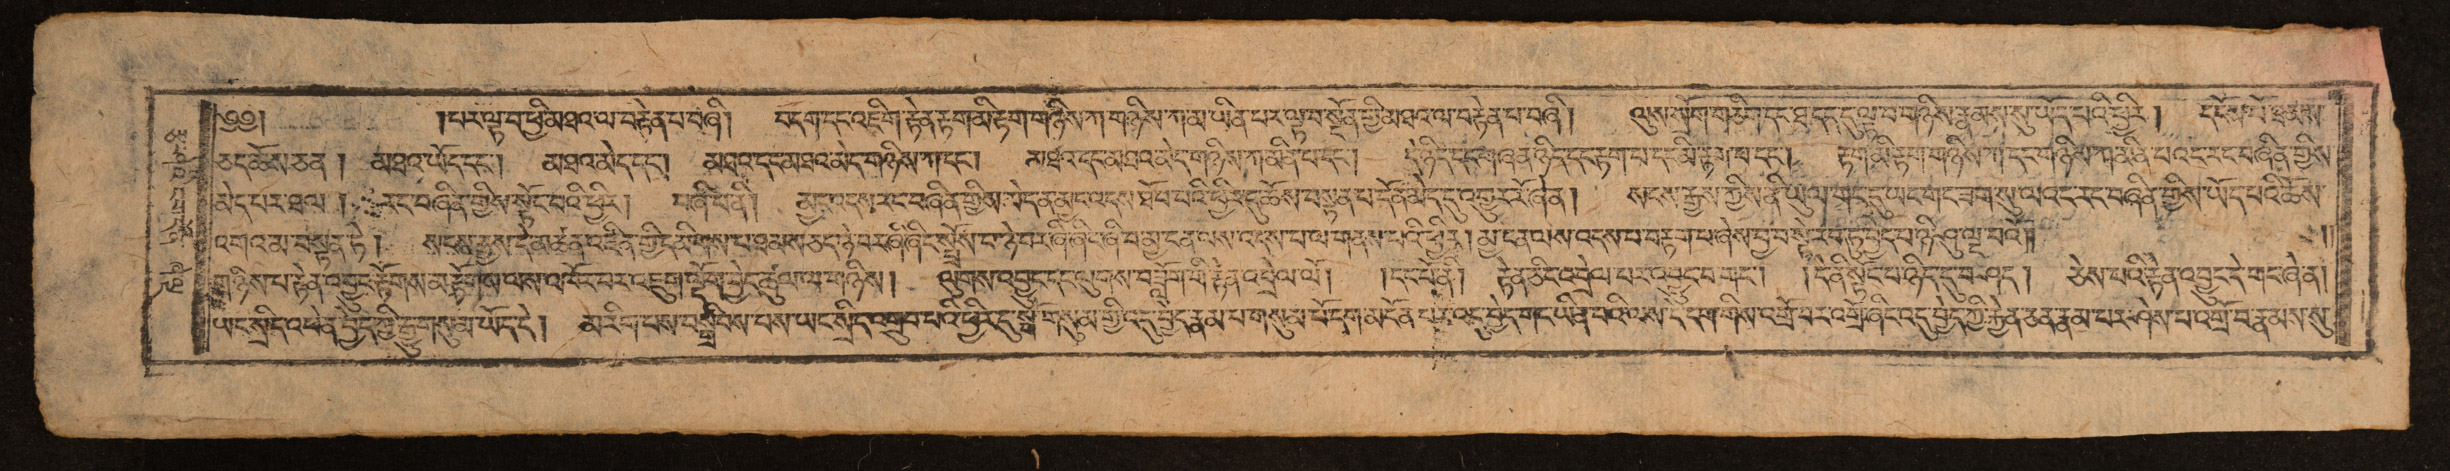༄༅། །པར་ལྟ་བ་ཕྱི་མཐའ་ལ་བརྟེན་པ་བཞི། བདག་དང་འཇིག་རྟེན་རྟག་མི་རྟག་གཉིས་ཀ་གཉིས་ཀ་མ་ཡིན་པར་ལྟ་བ་སྔོན་གྱི་མཐའ་ལ་བརྟེན་པ་བཞི། ལུས་སྲོག་གཅིག་དང་ཐ་དད་དུ་ལྟ་བ་གཉིས་རྣམས་སུ་ཡོད་པའི་ཕྱིར། དངོས་པོ་ཐམས་
ཅད་ཆོས་ཅན། མཐའ་ཡོད་དང་། མཐའ་མེད་དང་། མཐའ་དང་མཐའ་མེད་གཉིས་ཀ་དང་། མཐའ་དང་མཐའ་མེད་གཉིས་ཀ་མིན་པ་དང་། དེ་ཉིད་དང་གཞན་ཉིད་དང་རྟག་པ་དང་མི་རྟག་པ་དང་། རྟག་མི་རྟག་གཉིས་ཀ་དང་གཉིས་ཀ་མིན་པའང་རང་བཞིན་གྱིས་
མེད་པར་ཐལ། རང་བཞིན་གྱིས་སྟོང་བའི་ཕྱིར། བཞི་པ་ནི། མྱང་འདས་རང་བཞིན་གྱིས་མེད་ན་མྱང་འདས་ཐོབ་པའི་ཕྱིར་དུ་ཆོས་བསྟན་པ་དོན་མེད་དུ་འགྱུར་རོ་ཞེ་ན། སངས་རྒྱས་ཀྱིས་ནི་ཡུལ་གང་དུ་ཡང་གང་ཟག་སུ་ལའང་རང་བཞིན་གྱིས་ཡོད་པའི་ཆོས་
འགའ་མ་བསྟན་ཏེ། སངས་རྒྱས་དེ་མཚན་འཛིན་གྱི་དམིགས་པ་ཐམས་ཅད་ཉེ་བར་ཞི་ཞིང་སྤྲོས་པ་ཉེ་བར་ཞི་ཞིང་ཞི་བ་མྱ་ངན་ལས་འདས་པ་ལ་གནས་པའི་ཕྱིར། མྱ་ངན་ལས་འདས་པ་བརྟག་པ་ཞེས་བྱ་བ་སྟེ་རབ་ཏུ་བྱེད་པ་ཉི་ཤུ་ལྔ་པའོ།། །།
གཉིས་པ་རྟེན་འབྱུང་རྟོགས་མ་རྟོགས་ལས་འཁོར་བར་འཇུག་ལྡོག་བྱེད་ཚུལ་ལ་གཉིས། ལུགས་འབྱུང་དང་ལུགས་བཟློག་གི་རྟེན་འབྲེལ་ལོ། །དང་པོ་ནི། རྟེན་ཅིང་འབྲེལ་པར་འབྱུང་བ་གང་། །དེ་ནི་སྟོང་པ་ཉིད་དུ་བཤད། ཅེས་པའི་རྟེན་འབྱུང་དེ་གང་ཞེ་ན།
ཡང་སྲིད་འཕེན་བྱེད་ཀྱི་རྒྱུ་གསུམ་ཡོད་དེ། མ་རིག་པས་བསྒྲིབས་པས་ཡང་སྲིད་འགྲུབ་པའི་ཕྱིར་དུ་སྒོ་གསུམ་གྱི་འདུ་བྱེད་རྣམ་པ་གསུམ་པོ་དག་མངོན་པར་འདུ་བྱེད་གང་ཡིན་པའི་ལས་དེ་དག་གིས་འགྲོ་བར་འགྲོ་ཞིང་འདུ་བྱེད་ཀྱི་རྐྱེན་ཅན་རྣམ་པར་ཤེས་པ་འགྲོ་བ་རྣམས་སུ་